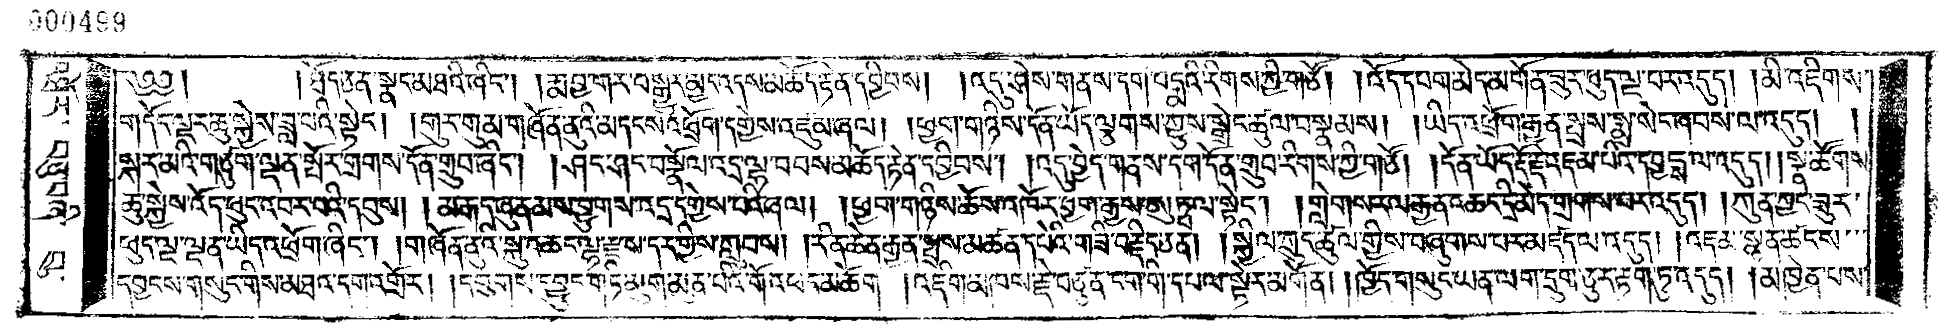༄༅། །ཐོད་ཅན་སྣང་མཐའི་ཞིང་། །རྨ་བྱ་གར་བསྒྱུར་མྱང་འདས་མཆོད་རྟེན་དབྱིབས། །འདུ་ཤེས་གནས་དག་པདམའི་རིགས་ཀྱི་གཙོ། །འོད་དཔག་མེད་མགོན་ཟུར་ཕུད་ལྔ་པར་འདུད། །མི་འཇིགས་
གདོང་ལྔར་ཆུ་སྐྱེས་ཟླ་པའི་སྟེང་། །གུར་གུམ་གཞོན་ནུའི་མདངས་འཕྲོག་དགྱེས་འཛུམ་ཞལ། །ཕྱག་གཉིས་དོན་ཡོད་ལྕགས་ཀྱུས་སྒྲེང་ཚུལ་བསྣམས། །ཡིད་འཕྲོག་རྒྱན་སྤྲས་སྨྲ་སེང་ཞབས་ལ་འདུད། །
སྐར་མའི་གཙུག་ལྡན་སྤོར་གྲགས་དོན་གྲུབ་ཞིང་། །ཤང་ཤང་བསྣོལ་འདྲ་ལྷ་བབས་མཆོད་རྟེན་དབྱིབས། །འདུ་བྱེད་གནས་དག་དོན་གྲུབ་རིགས་ཀྱི་གཙོ། །དོན་ཡོད་རྡོ་རྗེ་འཇམ་པའི་དབྱངས་ལ་འདུད། །སྣ་ཚོགས་
ཆུ་སྐྱེས་འོད་ཕུང་འབར་བའི་དབུས། །མ་རྒད་ཞུན་མས་བྱུགས་འདྲ་དགྱེས་པའི་ཞལ། །ཕྱག་གཉིས་ཆོས་འཁོར་ཕྱག་རྒྱས་ཨུཏྤལ་སྟེང་། །གླེགས་རལ་རྒྱན་འཆང་དྲི་མེད་གྲགས་པར་འདུད། །ཀུན་ཀྱང་ཟུར་
ཕུད་ལྔ་ལྡན་ཡིད་འཕྲོག་ཞིང་། །གཞོན་ནུའི་སྐུ་འཆང་ལྷ་རྫས་དར་གྱིས་ཀླུབས། །རིན་ཆེན་རྒྱན་སྤྲས་མཚན་དཔེའི་གཟི་བརྗིད་ཅན། །སྐྱིལ་ཀྲུང་ཚུལ་གྱིས་བཞུགས་པར་མཛད་ལ་འདུད། །འཇམ་སྙན་ཚངས་
དབྱངས་གསུང་གིས་མཐའ་དག་འགྲོར། །དབུགས་དབྱུང་གཏི་མུག་མུན་པའི་གོ་འཕང་མཆོག །འཇིག་མཁས་རྗེ་བཙུན་ངག་གི་དཔལ་སྟེར་མགོན། །ཁྱོད་གསུང་ཡན་ལག་དྲུག་ཅུར་རྟག་ཏུ་འདུད། །མཁྱེན་པས་